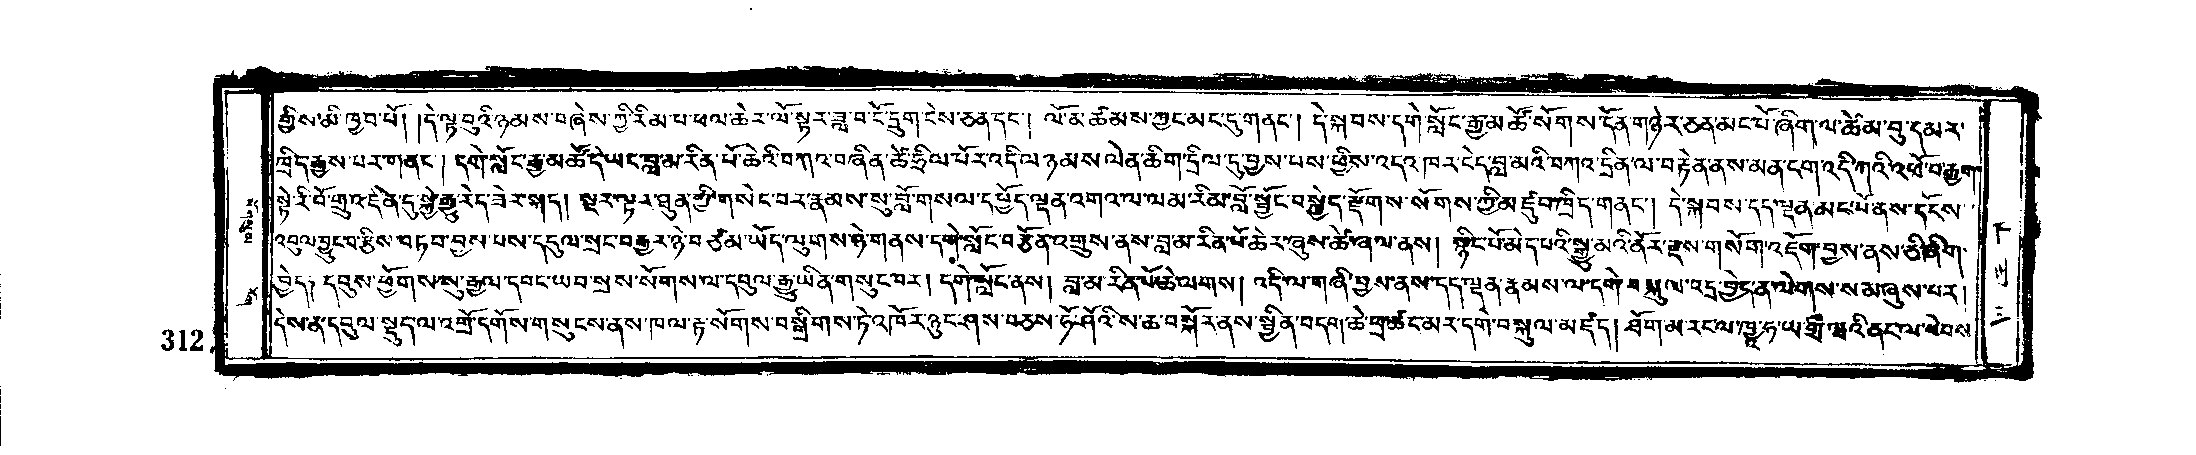གྱིས་མི་ཁྱབ་པོ། །དེ་ལྟ་བུའི་ཉམས་བཞེས་ཀྱི་རིམ་པ་ཕལ་ཆེར་ལོ་སྟར་ཟླ་བ་ངོ་དྲུག་ངེས་ཅན་དང་། ལོ་མཚམས་ཀྱང་མང་དུ་གནང་། དེ་སྐབས་དགེ་སློང་རྒྱ་མཚོ་སོགས་དོན་གཉེར་ཅན་མང་པོ་ཞིག་ལ་ཚེམ་བུ་དམར་
ཁྲིད་རྒྱས་པར་གནང་། དགེ་སློང་རྒྱ་མཚོ་དེ་ཡང་བླ་མ་རིན་པོ་ཆེའི་བཀའ་བཞིན་ཚེ་ཧྲིལ་པོར་འདི་ལ་ཉམས་ལེན་ཆིག་དྲིལ་དུ་བྱས་པས་ཕྱིས་འདའ་ཁར་ངེད་བླ་མའི་བཀའ་དྲིན་ལ་བརྟེན་ནས་མན་ངག་འདི་ཀའི་འཕོ་བ་རྒྱག་
སྟེ་རི་བོ་གྲུ་འཛིན་དུ་སྐྱེ་རྒྱུ་རེད་ཟེར་སྐད། སྔར་ལྟར་ཐུན་གྱི་གསེང་བར་རྣམས་སུ་བློ་གསལ་དཔྱོད་ལྡན་འགའ་ལ་ལམ་རིམ་བློ་སྦྱོང་བསྐྱེད་རྫོགས་སོགས་ཀྱི་མཛུབ་ཁྲིད་གནང་། དེ་སྐབས་དད་ལྡན་མང་པོ་ནས་དངོས་
འབུལ་བྱུང་བ་རྩིས་བཏབ་བྱས་པས་དངུལ་སྲང་བརྒྱར་ཉེ་བ་ཙམ་ཡོད་ལུགས་ཉེ་གནས་དགེ་སློང་བརྩོན་འགྲུས་ནས་བླ་མ་རིན་པོ་ཆེར་ཞུས་ཚེ་ཞལ་ནས། སྙིང་པོ་མེད་པའི་སྒྱུ་མའི་ནོར་རྫས་གསོག་འཇོག་བྱས་ནས་ཅི་ཞིག་
བྱེད༑ དབུས་ཕྱོགས་སུ་རྒྱལ་དབང་ཡབ་སྲས་སོགས་ལ་དབུལ་རྒྱུ་ཡིན་གསུང་བར། དགེ་སློང་ནས། བླ་མ་རིན་པོ་ཆེ་ལགས། འདི་ལ་གཞི་བྱས་ནས་དད་ལྡན་རྣམས་ལ་དགེ་བསྐུལ་འདྲ་བྱེད་ན་ལེགས་སམ་ཞུས་པར།
དེས་ན་དབུལ་སྡུད་ལ་འགྲོ་དགོས་གསུངས་ནས་ཁལ་རྟ་སོགས་བསྒྲིགས་ཏེ་འཁོར་ཉུང་ཤས་བཅས་ཧོ་ཤོའི་ས་ཆ་བསྐོར་ནས་སྦྱིན་བདག་ཆེ་ཕྲ་ཚང་མར་དགེ་བསྐུལ་མཛད། ཐོག་མ་རང་ལ་ཁྱཱ་ཧ་ཡ་གྲྀ་ཝའི་ནང་ལ་ཕེབས་